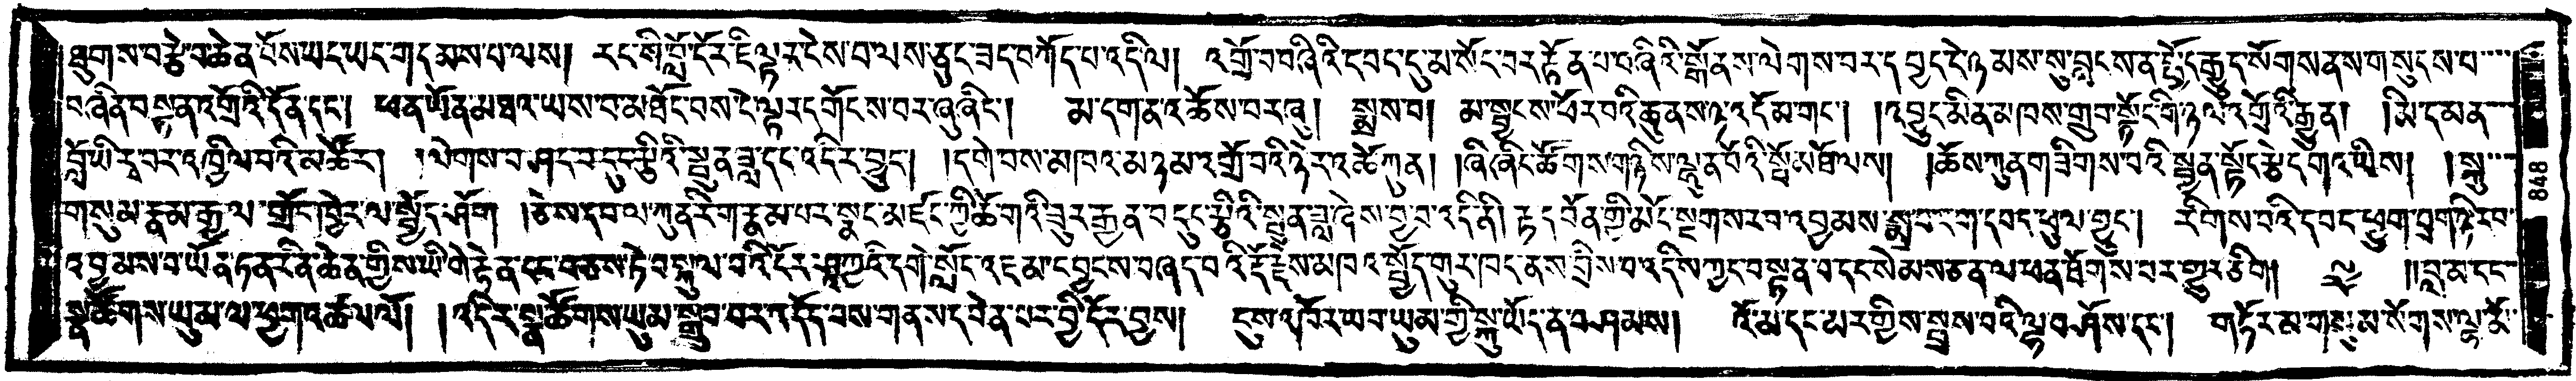ཐུགས་བརྩེ་བ་ཆེན་བོས་ཡང་ཡང་གདམས་པ་ལས། རང་སི་བློ་དོར་ཇི་ལྟར་ངེས་བ་ལས་ཅུང་ཟད་བཀོད་པ་འདི་ལ། འགྲོ་བ་བཞིའི་དབང་དུ་མ་སོང་བར་རྟོན་པ་བཞིའི་སྒོ་ནས་ལེགས་བར་དཔྱད་དེ་ཉམས་སུ་བླངས་ན་སྤྱོད་རྒྱུད་སོགས་ནས་གསུངས་པ་
བཞིན་བསྟན་འགྲོའི་དོན་དང་། ཕན་ཡོན་མཐའ་ཡས་བ་མཐོང་བས་དེ་ལྟར་དགོངས་བར་ཞུ་ཞིང་། མ་དག་ན་འཆོས་བར་ཞུ། སྨྲས་པ། མ་སྦྱངས་ཕོར་བའི་ཆུ་ནས་ཉ་འདོམ་གང་། །འབྱུང་མིན་ནམ་ཁས་གྲུབ་སྟོང་གཉིས་འགྲོའི་རྒྱུན། །མི་དམན་
བློ་ཡི་རྭ་བར་འཁྱིལ་བའི་མཚོར། །ལེགས་བཤད་བདུད་རྩའི་སྤུན་ཟླ་དང་འདིར་བྱུང་། །དགེ་བས་མཁའ་མཉམ་འགྲོ་བའི་ཉེར་འཚེ་ཀུན། །ཞི་ཞིང་ཚོགས་གཉིས་ལྷུན་པོའི་སྤོ་མཐོ་ལས། །ཆོས་ཀུན་གཟིགས་བའི་སྦྱན་སྟོང་རྩེ་དགའ་ཡིས། །སྐུ་
གསུམ་རྣམ་རྒྱལ་གྲོང་ཁྱེར་ལ་སྦྱོད་ཤོག །ཅེས་དཔལ་ཀུན་རིག་རྣམ་པར་སྣང་མཛད་ཀྱི་ཆོ་གའི་ཟུར་རྒྱན་བདུད་རྩིའི་སྤུན་ཟླ་ཞེས་བྱ་བ་འདི་ནི། རྟ་དབོན་གྱི་མོང་སྔགས་རབ་འབྱམས་སྨྲ་བ་ངག་དབང་ཕུལ་གྱུར། རིགས་བའི་དབང་ཕྱུག་བྲག་ཉེར་བ་
འབྱམས་བ་ཡོན་ཏན་རིན་ཆེན་གྱིས་ཡི་གེ་རྟེན་དང་བཅས་ཏེ་བསྐུལ་བའི་དོར་ཤཱཀྱའི་དགེ་སློང་འཇམ་དབྱངས་བཞད་བའི་རྡོ་རྗེས་མཁའ་སྦྱོད་གུར་ཁང་ནས་གྲིས་བ་འདིས་ཀྱང་བསྟན་པ་དང་སེམས་ཅན་ལ་ཕན་ཐོགས་པར་གྱུར་ཅིག། །།བླ་མ་དང་
སྣ་ཚོགས་ཡུམ་ལ་ཕྱག་འཚལ་ལོ། །འདིར་སྣ་ཚོགས་ཡུམ་སྒྲུབ་པར་འདོད་པས་གནས་དབེན་པར་བྱི་དོར་བྱས། དུས་འཁོར་ཡབ་ཡུམ་གྱི་སྐུ་ཡོད་ན་བཤམས། འོ་མ་དང་མར་གྱིས་སྦྲས་བའི་ལྷ་བཤོས་དང་། གཏོར་མ་གསུམ་སོགས་ལྷ་མོ་